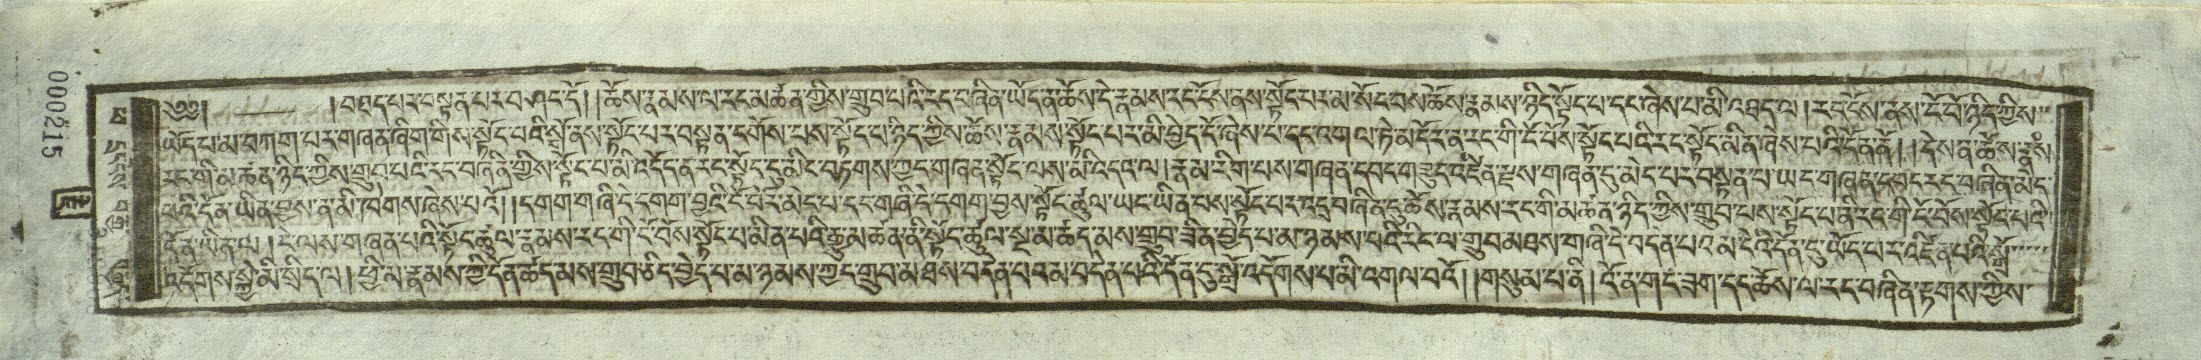༄༅། །འཐད་པར་བསྟན་པར་བཤད་དོ། །ཆོས་རྣམས་ལ་རང་མཚན་གྱིས་གྲུབ་པའི་རང་བཞིན་ཡོད་ན་ཆོས་དེ་རྣམས་རང་ངོས་ནས་སྟོང་པར་མ་སོང་བས་ཆོས་རྣམས་ཉིད་སྟོང་པ་དང་ཞེས་པ་མི་འཐད་ལ། རང་ངོས་ནས་ངོ་བོ་ཉིད་ཀྱིས་
ཡོད་པ་མ་བཀག་པར་གཞན་ཞིག་གིས་སྟོང་པའི་སྒོ་ནས་སྟོང་པར་བསྟན་དགོས་པས་སྟོང་པ་ཉིད་ཀྱིས་ཆོས་རྣམས་སྟོང་པར་མི་བྱེད་དོ་ཞེས་པ་དང་འགལ་ཏེ་མདོར་ན་རང་གི་ངོ་བོས་སྟོང་པའི་རང་སྟོང་མིན་ཞེས་པའི་དོན་ནོ། །དེས་ན་ཆོས་རྣམས་
རང་གི་མཚན་ཉིད་ཀྱིས་གྲུབ་པའི་རང་བཞིན་གྱིས་སྟོང་པ་མི་འདོད་ན་རང་སྟོང་དུ་མིང་བཏགས་ཀྱང་གཞན་སྟོང་ལས་མི་འདའ་ལ། རྣམ་རིག་པས་གཞན་དབང་གཟུང་འཛིན་རྫས་གཞན་དུ་མེད་པར་བསྟན་པ་ཡང་གཞན་དབང་རང་བཞིན་མེད་
པའི་དོན་ཡིན་བྱས་ན་མི་ཁགས་ཞེས་པའོ། །དགག་གཞི་དེ་དགག་བྱའི་ངོ་བོར་མེད་པ་དང་གཞི་དེ་དགག་བྱས་སྟོང་ཚུལ་ཡང་ཡིན་པས་སྟོང་པར་འདྲ་བཞིན་དུ་ཆོས་རྣམས་རང་གི་མཚན་ཉིད་ཀྱིས་གྲུབ་པས་སྟོང་པ་ནི་རང་གི་ངོ་བོས་སྟོང་པའི་
དོན་ཡིན་ལ། དེ་ལས་གཞན་པའི་སྟོང་ཚུལ་རྣམས་རང་གི་ངོ་བོས་སྟོང་པ་མིན་པའི་རྒྱུ་མཚན་ནི་སྟོང་ཚུལ་སྔ་མཚད་མས་གྲུབ་ཟིན་བྱེད་པ་མ་ཉམས་པའི་རིང་ལ་གྲུབ་མཐས་གཞི་དེ་བདེན་པའམ་དེའི་དོན་དུ་ཡོད་པར་འཛིན་པའི་སྒྲོ་
འདོགས་སྐྱེ་མི་སྲིད་ལ། ཕྱི་མ་རྣམས་ཀྱི་དོན་ཚད་མས་གྲུབ་ཅིང་བྱེད་པ་མ་ཉམས་ཀྱང་གྲུབ་མཐས་བདེན་པའམ་བདེན་པའི་དོན་དུ་སྒྲོ་འདོགས་པ་མི་འགལ་བའོ། །གསུམ་པ་ནི། འོ་ན་གང་ཟག་དང་ཆོས་ལ་རང་བཞིན་རྟགས་ཀྱིས་